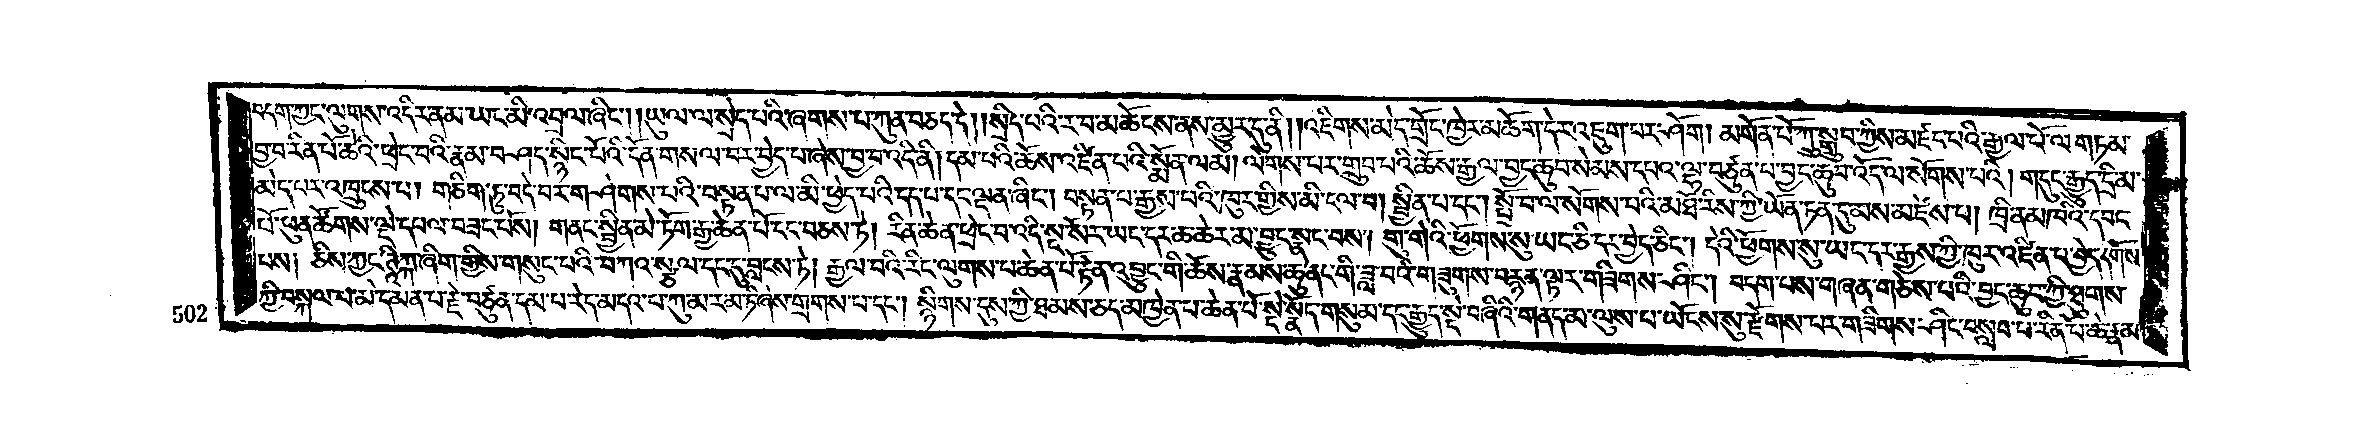བདག་ཀྱང་ལུགས་འདིར་ནམ་ཡང་མི་འབྲལ་ཞིང་། །ཡུལ་ལ་སྲིད་པའི་ཞགས་པ་ཀུན་བཅད་དེ། །སྲིད་པའི་ར་བ་མཆོངས་ནས་མྱུར་དུ་ནི། །འཇིགས་མེད་གྲོང་ཁྱེར་མཆོག་དེར་འཇུག་པར་ཤོག །མགོན་པོ་ཀླུ་སྒྲུབ་ཀྱིས་མཛད་པའི་རྒྱལ་པོ་ལ་གཏམ་
བྱ་བ་རིན་པོ་ཆེའི་ཕྲེང་བའི་རྣམ་བཤད་སྙིང་པོའི་དོན་གསལ་བར་བྱེད་པ་ཞེས་བྱ་བ་འདི་ནི། དམ་པའི་ཆོས་འཛིན་པའི་སྨོན་ལམ། ལེགས་པར་གྲུབ་པའི་ཆོས་རྒྱལ་བྱང་ཆུབ་སེམས་དཔའ་ལྷ་བཙུན་པ་བྱང་ཆུབ་འོད་ལ་སོགས་པའི། གདུང་རྒྱུད་དྲི་མ་
མེད་པར་འཁྲུངས་པ། གཅིག་ཏུ་བདེ་བར་གཤེགས་པའི་བསྟན་པ་ལ་མི་ཕྱེད་པའི་དད་པ་དང་ལྡན་ཞིང་། བསྟན་པ་རྒྱས་པའི་ཁུར་གྱིས་མི་ངལ་བ། སྦྱིན་པ་དང་། སྤྲོ་བ་ལ་སོགས་པའི་མཐོ་རིས་ཀྱི་ཡོན་ཏན་དུ་མས་མཛེས་པ། ཁྲི་ནམ་མཁའི་དབང་
པོ་ཕུན་ཚོགས་ལྡེ་དཔལ་བཟང་པོས། གནང་སྦྱིན་མེ་ཏོག་རྒྱ་ཆེན་པོ་དང་བཅས་ཏེ། རིན་ཆེན་ཕྲེང་བ་འདི་སྔ་སོར་ཡང་དར་ཆ་ཆེར་མ་བྱུང་སྣང་བས། གུ་གེའི་ཕྱོགས་སུ་ཡང་ཅི་དར་བྱེད་ཅིང་། དེའི་ཕྱོགས་སུ་ཡང་དར་རྒྱས་ཀྱི་ཁུར་འཛིན་པ་བྱེད་དགོས་
པས། ཅིས་ཀྱང་ཊཱི་ཀྐ་ཞིག་གྱིས་གསུང་པའི་བཀའ་སྩལ་དང་དུ་བླངས་ཏེ། རྒྱལ་བའི་རིང་ལུགས་པ་ཆེན་པོ་རྟེན་འབྱུང་གི་ཆོས་རྣམས་ཆུ་ནང་གི་ཟླ་བའི་གཟུགས་བརྙན་ལྟར་གཟིགས་ཤིང་། བདག་པས་གཞན་གཅེས་པའི་བྱང་ཆུབ་ཀྱི་ཐུགས་
ཀྱི་བསྐལ་པ་མེད་དམན་པ་རྗེ་བཙུན་དམ་པ་རེད་མདའ་བ་ཀུ་མ་ར་མ་ཏི་ཞེས་གྲགས་པ་དང་། སྙིགས་དུས་ཀྱི་ཐམས་ཅད་མཁྱེན་པ་ཆེན་པོ་སྡེ་སྣོད་གསུམ་དང་རྒྱུད་སྡེ་བཞིའི་གནད་མ་ལུས་པ་ཡོངས་སུ་རྫོགས་པར་གཟིགས་ཤིང་བསླབ་པ་རིན་པོ་ཆེ་རྣམ་